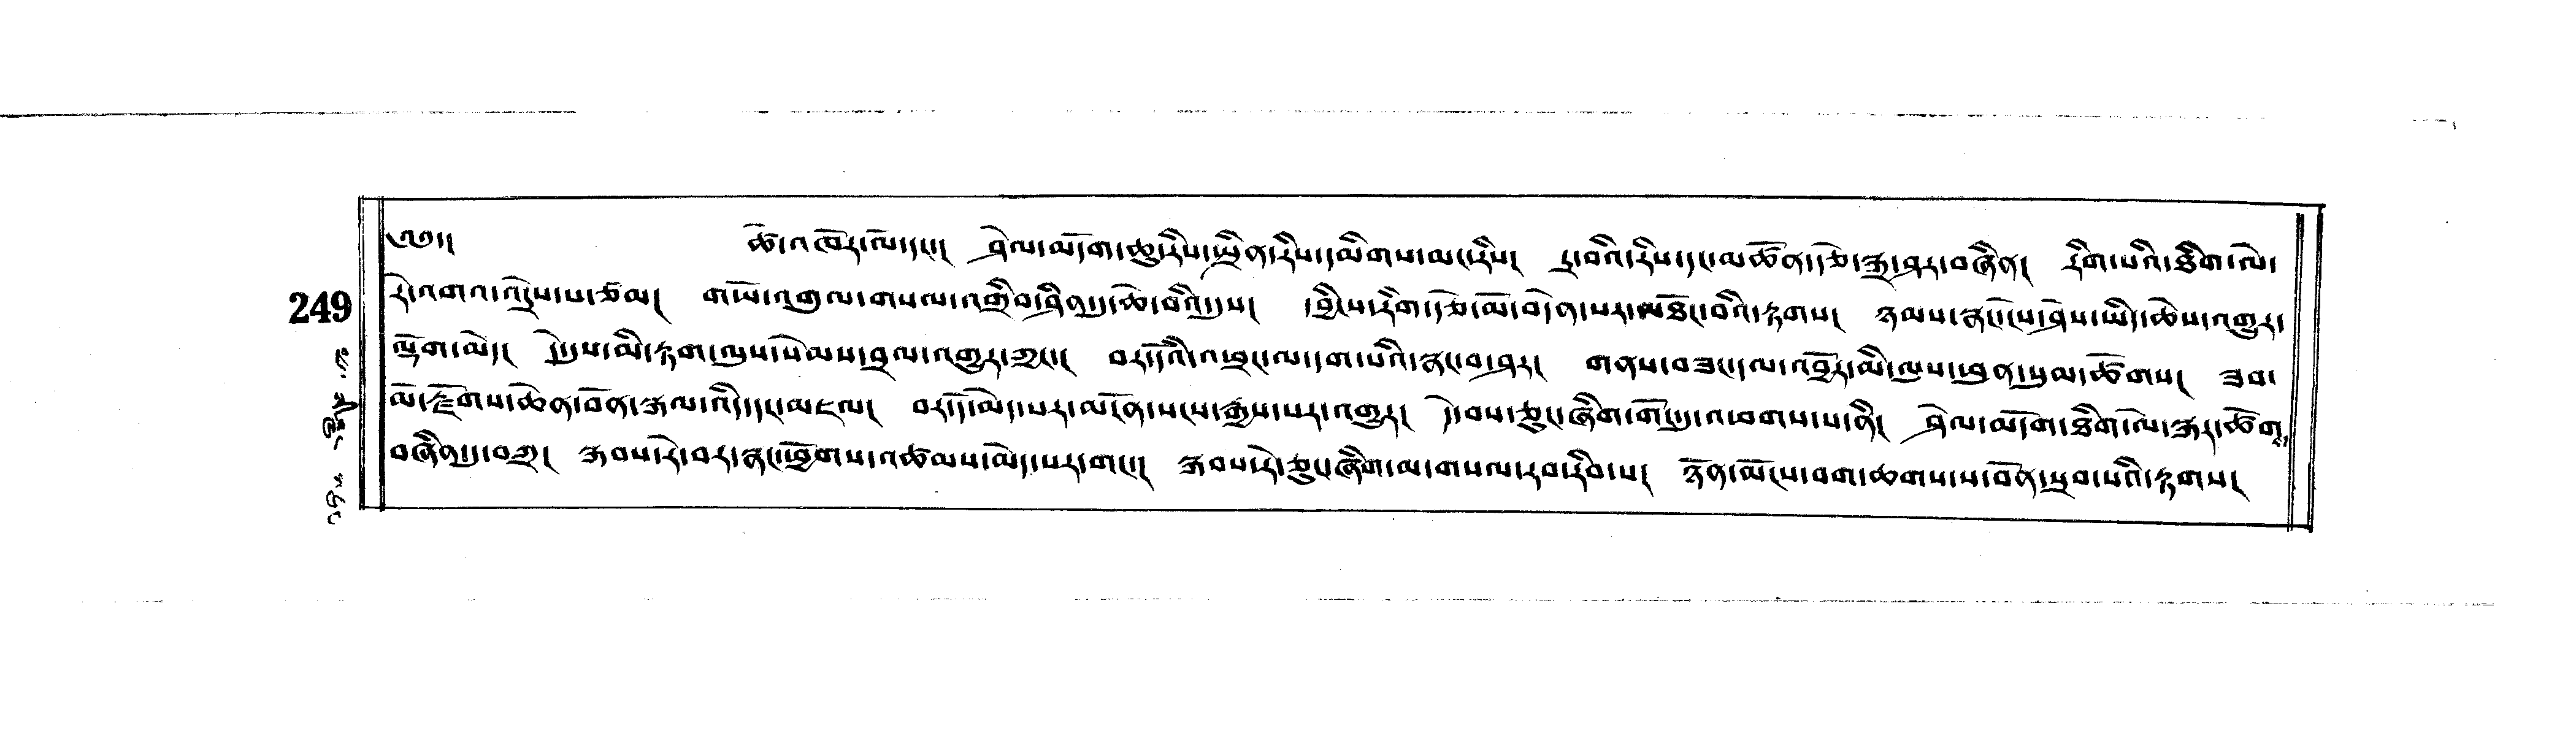ཚེ་འཁོར་ལོ་དང་། ཤེལ་མདོག་ཆུ་རིས་སྤྲིན་རིས་མིག་མང་རིས། དྲ་བའི་རིས་དང་མཚོན་རྩེ་སྐྲ་ཤར་བཞིན། རིག་པའི་ཐིག་ལེ་
རེ་འགའ་འདྲེས་པ་ཙམ། གཡོ་འགུལ་གསལ་འགྲིབ་ཤིན་ཏུ་ཆེ་བའི་དུས། དབྱིངས་རིག་རྩེ་མོ་བདེན་པར་མཐོང་བའི་རྟགས། ཉམས་སྣང་ངེས་ཤེས་ཡིད་ཆེས་འགྱུར་
ལྡོག་མེད། དེ་དུས་མི་རྟག་ལུས་སེམས་བྲལ་འགྱུར་ཀྱང་། བར་དོའི་འཕྲང་ལ་དག་པའི་སྣང་བ་ཤར། གནས་བཟང་དལ་འབྱོར་མི་ལུས་ཕུན་སུམ་ཚོགས། ཟབ་
མོ་རྫོགས་ཆེན་བོན་སྐལ་འདི་དང་མཇལ། བར་དོ་མེད་པར་མངོན་སངས་རྒྱས་པར་འགྱུར། དེ་བས་ཅུང་ཞིག་གོང་དུ་འཕགས་པ་ནི། ཤེལ་མདོག་ཐིག་ལེ་སྐར་ཚོགས་
བཞིན་དུ་བཀྲ། སྐབས་རེ་བར་སྣང་ཕྱོགས་མཚམས་མེད་པར་གང་། སྐབས་རེ་ཅུང་ཞིག་མ་གསལ་རབ་རིབ་པ། ཉོན་མོངས་བག་ཆགས་ས་བོན་བསྲབ་པའི་རྟགས།